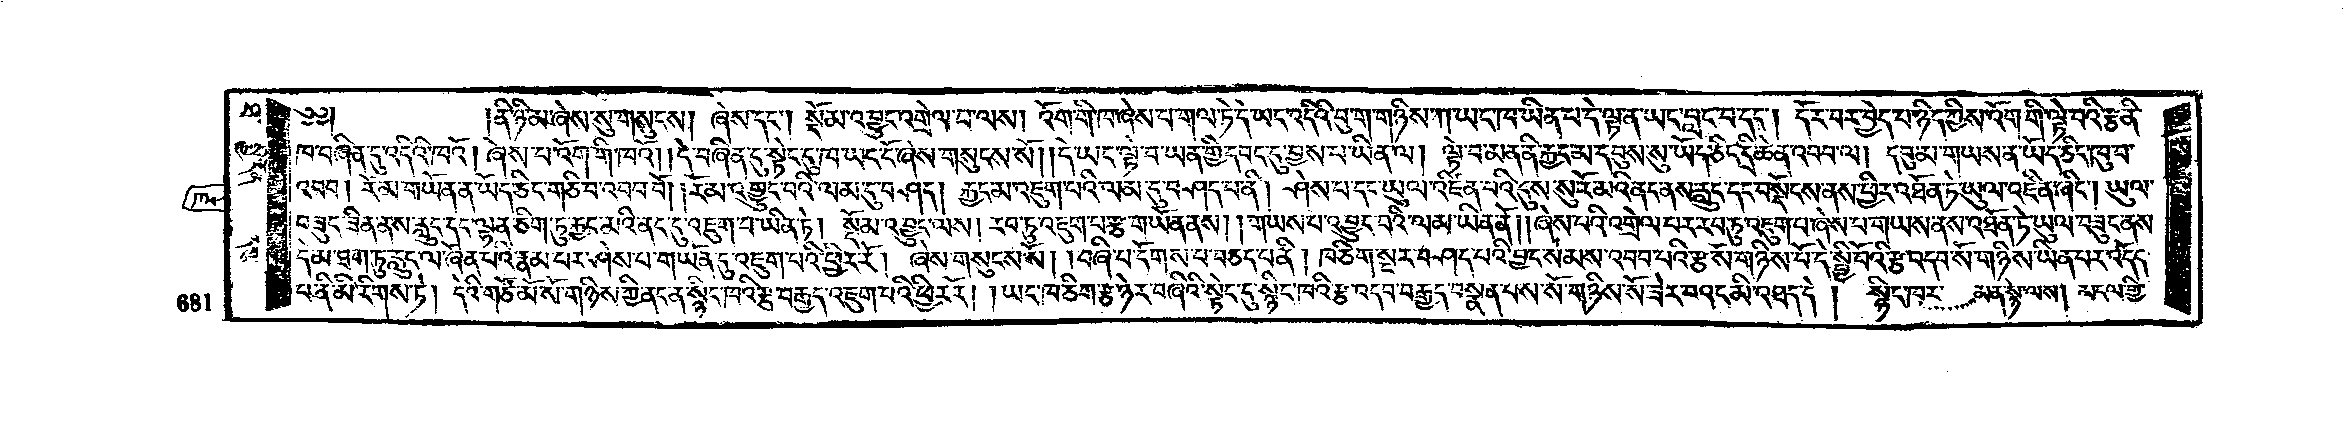༄༅། །ནི་ཉི་མ་ཞེས་སུ་གསུངས། ཞེས་དང་། སྡོམ་འབྱུང་འགྲེལ་པ་ལས། འོག་གི་ཁ་ཞེས་པ་གལ་ཏེ་དེ་ཡང་འདིའི་བུ་ག་གཉིས་ཀ་ཡང་ཁ་ཡིན་པ་དེ་ལྟ་ན་ཡང་བླང་བ་དང་། དོར་བར་བྱེད་པ་ཉིད་ཀྱིས་འོག་གི་ལྟེ་བའི་རྩ་ནི་
ཁ་བཞིན་དུ་འདིའི་ཁའོ། ཞེས་པ་འོག་གི་ཁའོ། །དེ་བཞིན་དུ་སྟེང་དུ་ཁ་ཡང་ངོ་ཞེས་གསུངས་སོ། །དེ་ཡང་ལྟེ་བ་ཡན་གྱི་དབང་དུ་བྱས་པ་ཡིན་ལ། ལྟེ་བ་མན་ནི་རྐྱང་མ་དབུས་སུ་ཡོད་ཅིང་དྲི་ཆེན་འབབ་ལ། དབུ་མ་གཡས་ན་ཡོད་ཅིང་ཁུ་བ་
འབབ། རོ་མ་གཡོན་ན་ཡོད་ཅིང་གཅི་བ་འབབ་བོ། །རོ་མ་འབྱུང་བའི་ལམ་དུ་བཤད། རྐྱང་མ་འཇུག་པའི་ལམ་དུ་བཤད་པ་ནི། ཤེས་པ་དང་ཡུལ་འཛིན་པའི་དུས་སུ་རོ་མའི་ནང་ནས་རླུང་དང་བསྡོངས་ནས་ཕྱིར་འཐོན་ཏེ་ཡུལ་འཛིན་ཞིང་། ཡུལ་
བཟུང་ཟིན་ནས་རླུང་དང་ལྷན་ཅིག་ཏུ་རྐྱང་མའི་ནང་དུ་འཇུག་པ་ཡིན་ཏེ། སྡོམ་འབྱུང་ལས། རབ་ཏུ་འཇུག་པ་རྩ་གཡོན་ནས། །གཡས་པ་འབྱུང་བའི་ལམ་ཡིན་ནོ། །ཞེས་པའི་འགྲེལ་པར་རབ་ཏུ་འཇུག་པ་ཞེས་པ་གཡས་ནས་འཐོན་ཏེ་ཡུལ་བཟུང་ནས་
དེ་མ་ཐག་ཏུ་རླུང་ལ་ཞོན་པའི་རྣམ་པར་ཤེས་པ་གཡོན་དུ་འཇུག་པའི་ཕྱིར་རོ། ཞེས་གསུངས་སོ། །བཞི་པ་དོགས་པ་བཅད་པ་ནི། ཁ་ཅིག་སྔར་བཤད་པའི་བྱང་སེམས་འབབ་པའི་རྩ་སོ་གཉིས་པོ་དེ་སྤྱི་བོའི་རྩ་འདབ་སོ་གཉིས་ཡིན་པར་འདོད་
པ་ནི་མི་རིགས་ཏེ། དེའི་གཙོ་མོ་སོ་གཉིས་ཀྱི་ནང་ན་སྙིང་ཁའི་རྩ་བརྒྱད་འཇུག་པའི་ཕྱིར་རོ། །ཡང་ཁ་ཅིག་རྩ་ཉེར་བཞིའི་སྟེང་དུ་སྙིང་ཁའི་རྩ་འདབ་བརྒྱད་བསྣན་པས་སོ་གཉིས་སོ་ཟེར་བའང་མི་འཐད་དེ། སྙིང་ཁར་མན་སྙེ་ལས། མངལ་གྱི་